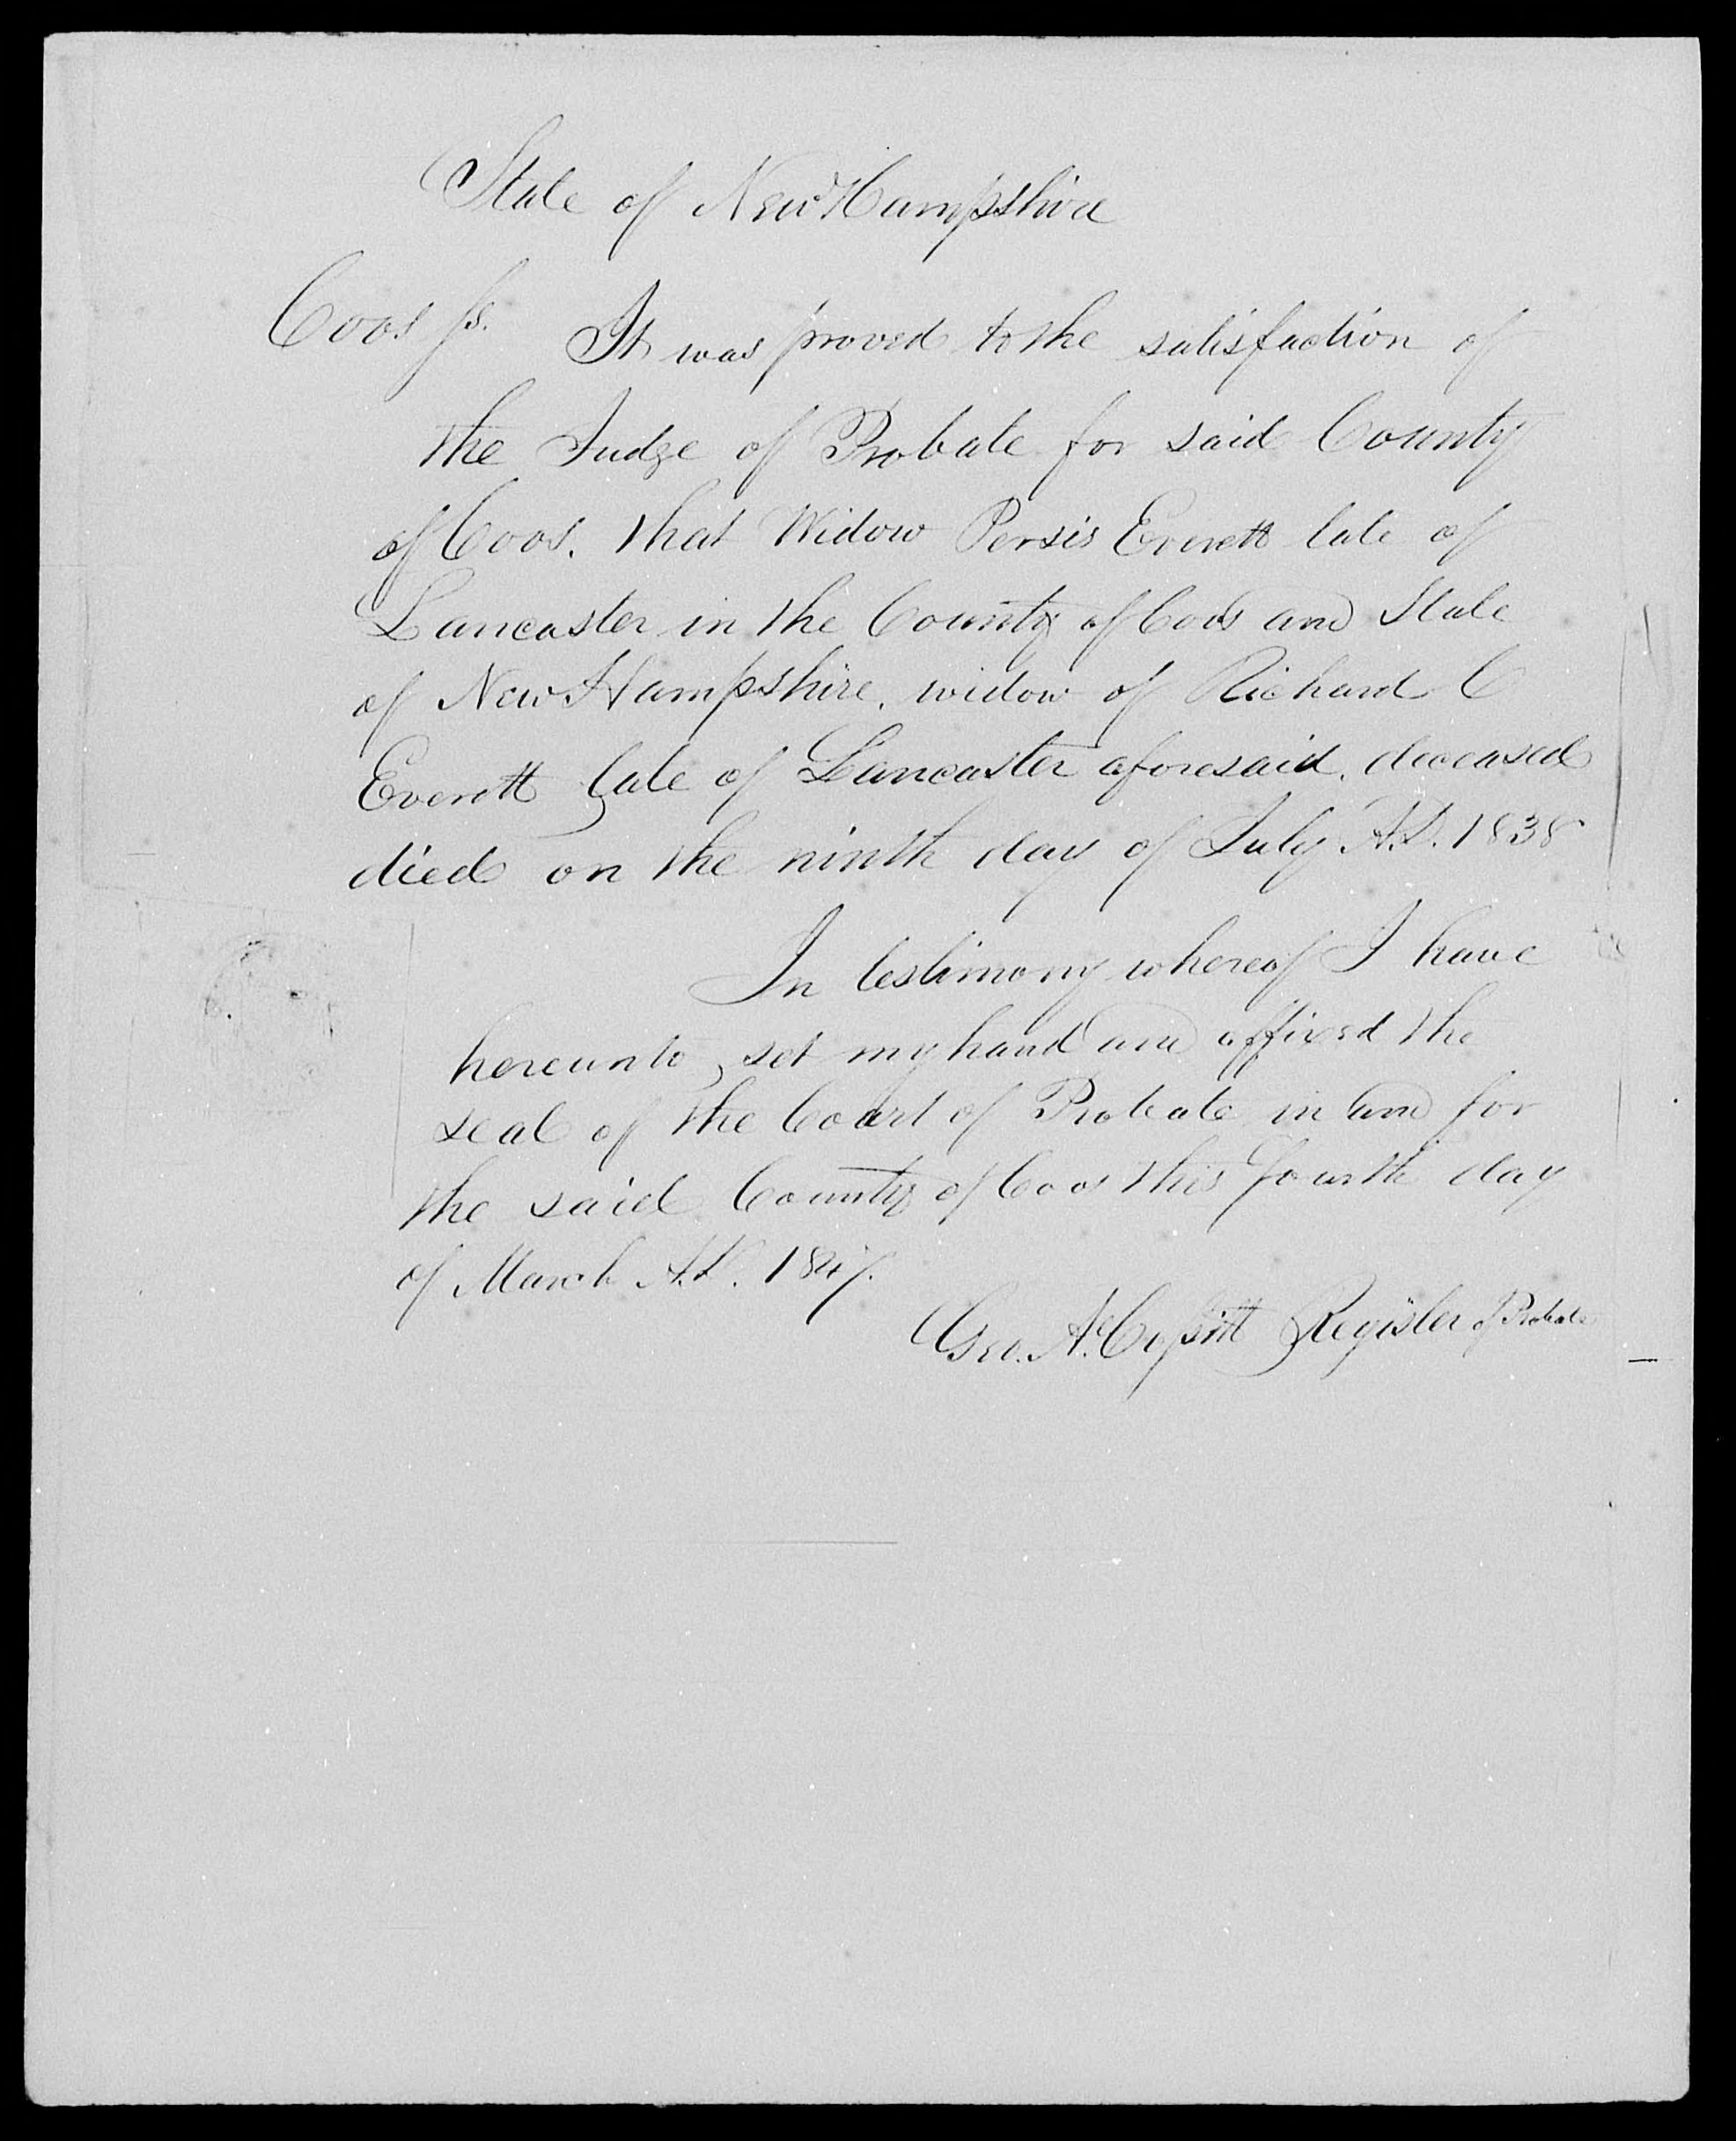State of New Hampshire
Coos ss.
It was proved to the satisfaction of the Judge of Probate for said County of Coos, that Widow Persis Everett late of Lancaster in the County of Coos and State of New Hampshire, widow of Richard C. Everett, late of Lancaster aforesaid, deceased, died on the ninth day of July, A.D. 1838.

In testimony whereof I have hereunto set my hand and affixed the seal of the Court of Probate in and for the said County of Coos this fourth day of March A.D. 1847.

Geo. A. Cossitt, Register of Probate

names: Richard C Everett, Persis Everett, Geo A Cossitt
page: 51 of 59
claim: widow's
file: W. 23017, Richard Clair Everett, Mass.